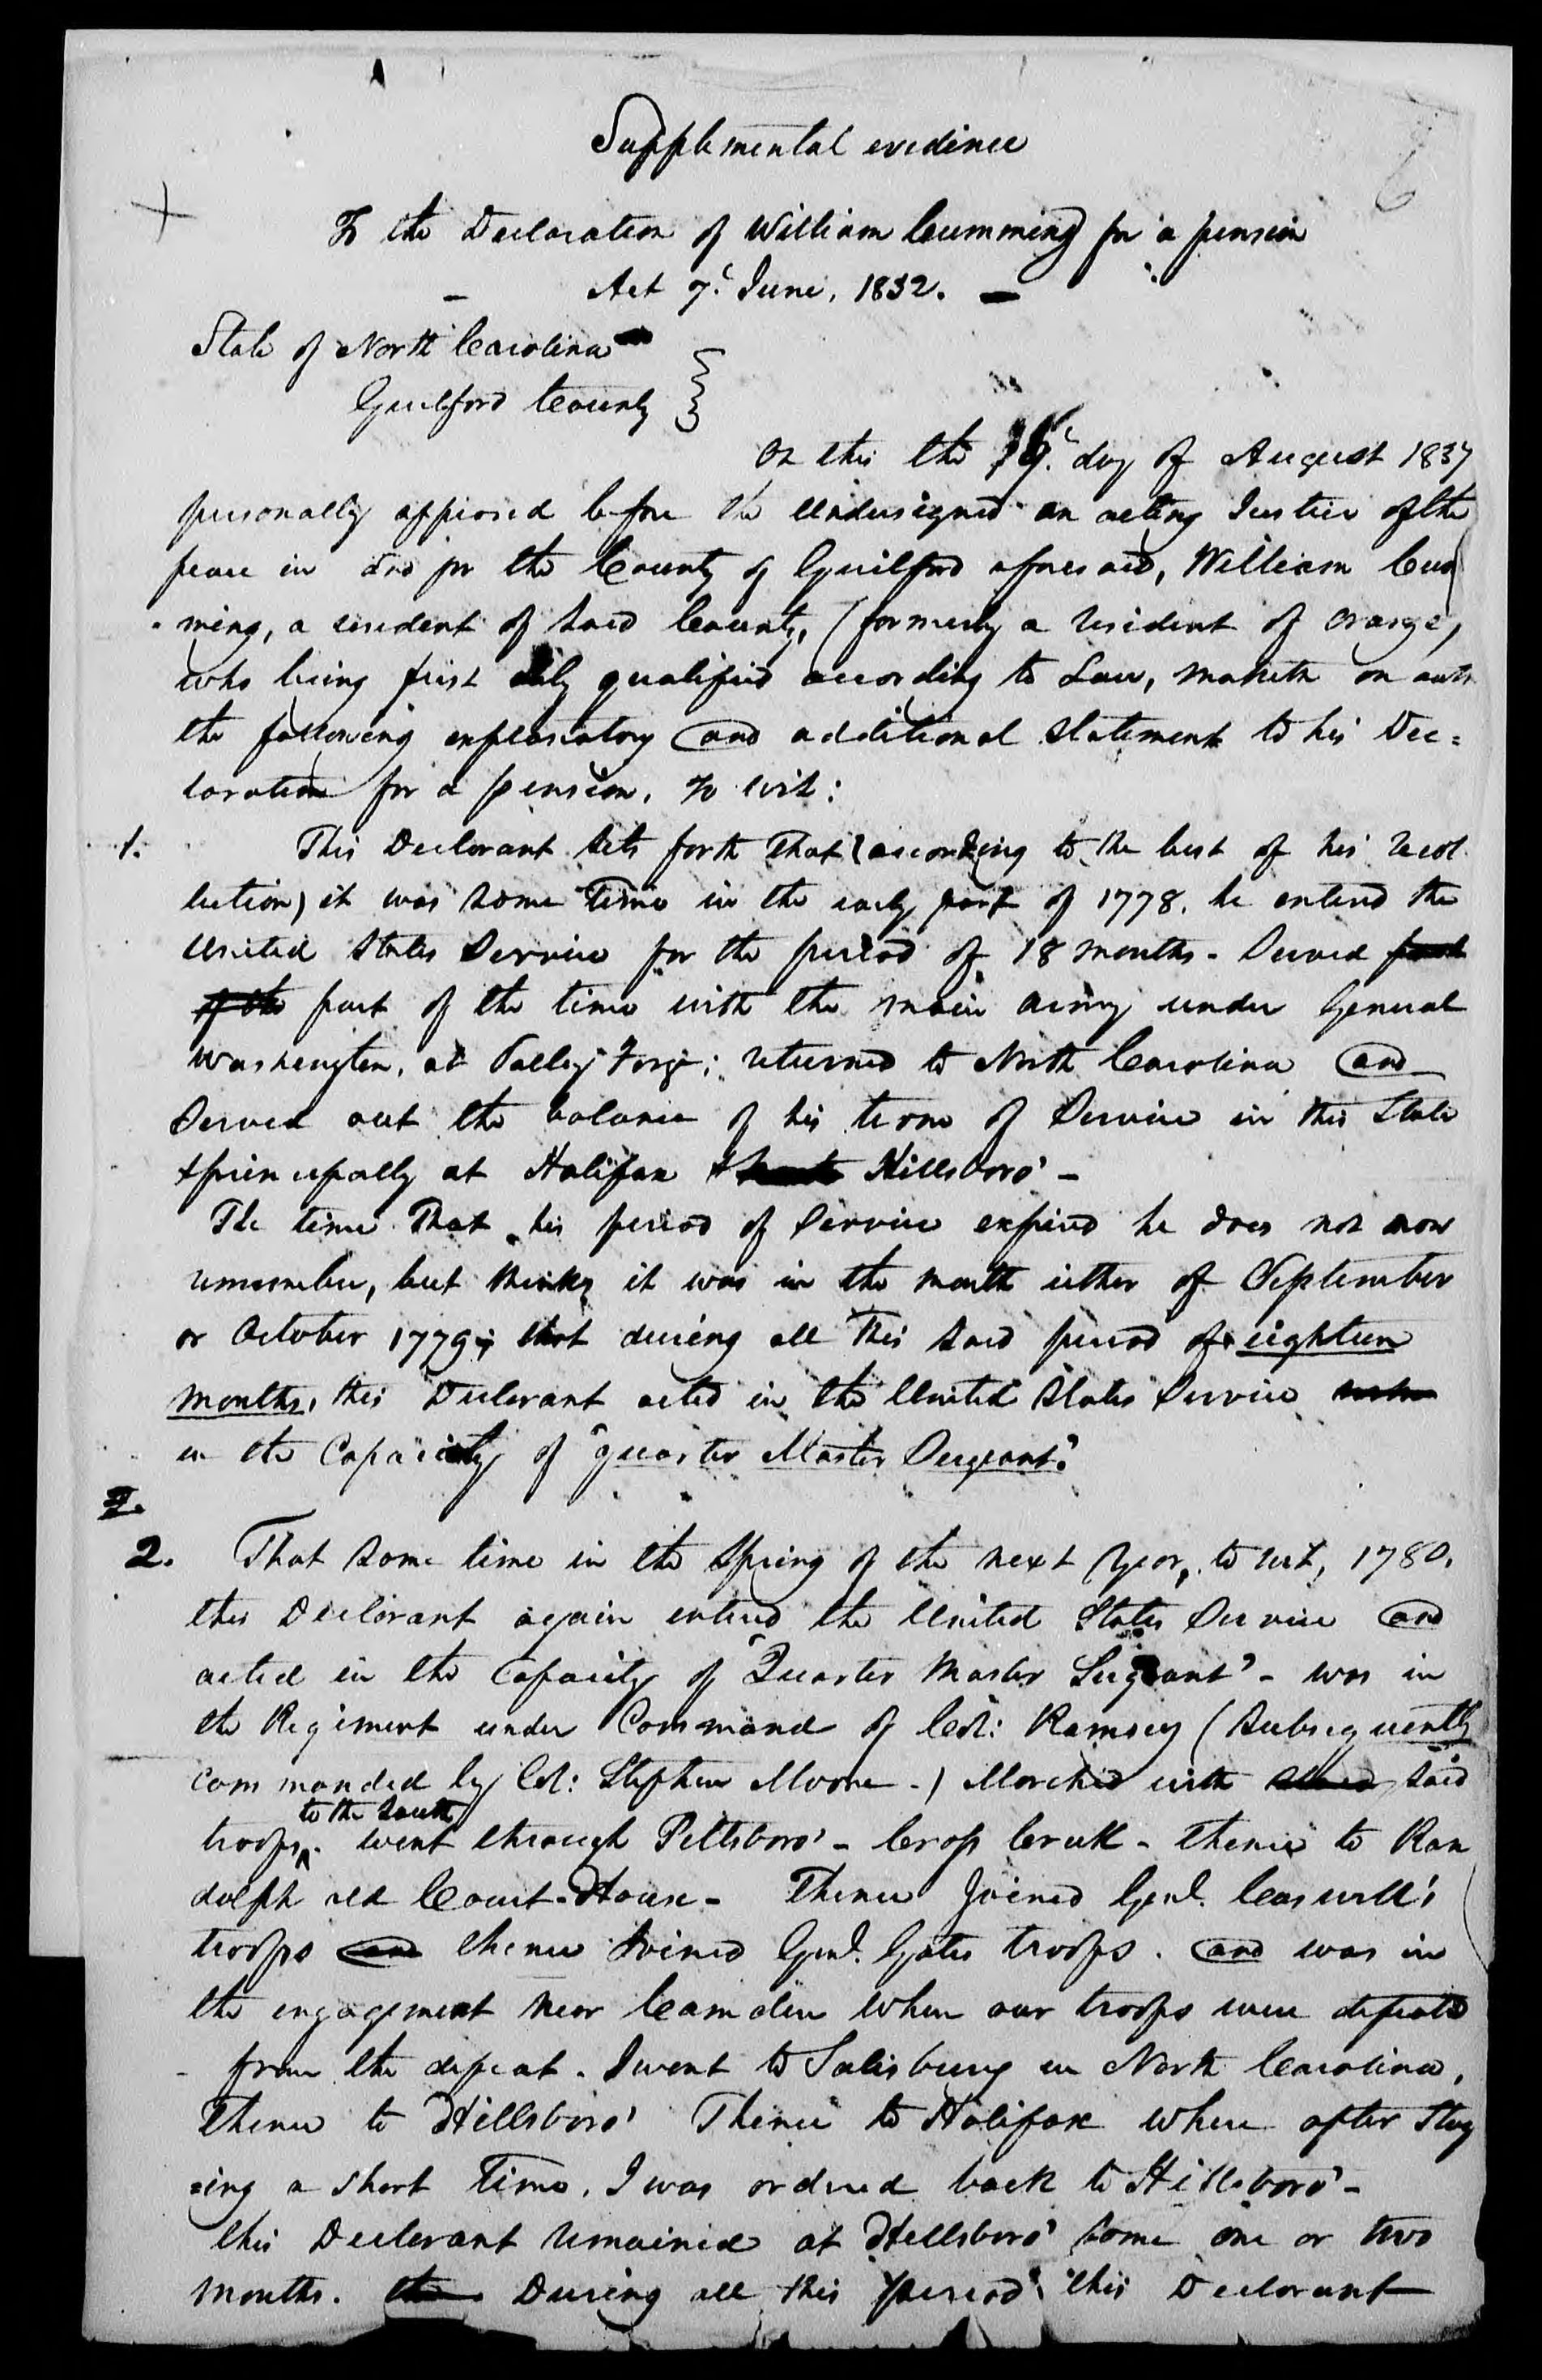[Page 1 of 3, in handwritten record subset, re "Supplemental evidince" (Supplemental evidence) To the Declaration of William Cumming re his Revolutionary War service.  Occasional spacing has been included, to make the long text block easier to read.]

Supplemental evidince [evidence]
[Here there is a handwritten "X" apparently in pencil, near the left margin.]  To the Declaration of William Cumming for a pension
Act 7th June, 1832. _ 
[There is a handwritten "6" near the upper right page margin.]

State of North Carolina)
Guilford County)

On this the [here the following date looks like it was originally written as "19" but changed to "16th" day of August 1837 personally appeared before the Undersigned an acting Justeis [Justice] of the peace in and for the County of Guilford aforesaid, William Cumming, a resident of Said County, (formerly a resident of Orange) who being first duly qualified according to Law, Maketh on oath the following explanatory and additional statement [or statements] to his Declaration for a pension, To wit:

1.  This Declarant Sets forth That (according to the best of his recollection) it was Some Time in the early part of 1778, he entered the United States Service for the period of 18 months. Service [here "part of the" was stricken through] part of the time with the Main Army under General Washington, at Valley Forge; returned to North Carolina and Served the balance of his term of Service in this State and principally at Halifax and [illegible stricken through word] Hillsboro'- 

The time That his period of Service expired he does not now remember, but thinks it was in the month either of September or October 1779; that during all this Said period of [here the next two words are underlined:] eighteen Months, this Declerant [Declarant] acted in the United States Service [illegible stricken through word] in the Capacity of [here the next three words are underlined:] 'quarter Master Sergeant.'

[here there is a "2" which was stricken through, and another] 2. [was written slightly below and to the right.]  That Some time in the Spring of the next Year, to wit, 1780, the Declarant again entered the United States Service and acted in the Capacity of 'Quarter Master Sergeant' - was in the Regiment under Command of Col: [Colonel] Ramsey (Subsequently commanded by Col: [Colonel] Stephen Moore.)  

Marched with [illegible stricken through word, possible "said" and then repeated that word] said troops ^ to the South. went through Pittsboro' - Cross Creek - thence to Randolph old Court-House - Thence Joined Genl. [General] Caswell's troops [here "and" was stricken through] thence Joined Genl. [General] Gates troops and was in the engagement near Camden when our troops were defeated 

-from the defeat. I went to Salisbury in North Carolina, Thence to Hillsboro'  Thence to Halifax where after Staying a short time, I was ordered back to Hillsboro' - 

this Declerant remained at Hillsboro' some one or two months. [Here it looks like "the" or "then" was stricken through] During all this period this Declerant [Declarant]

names: William Cumming, Stephen Moore, William Cumming, Ramsey, Gates, Caswell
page: 143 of 145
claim: survivor's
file: S. 8265, William Cumming, N.C.